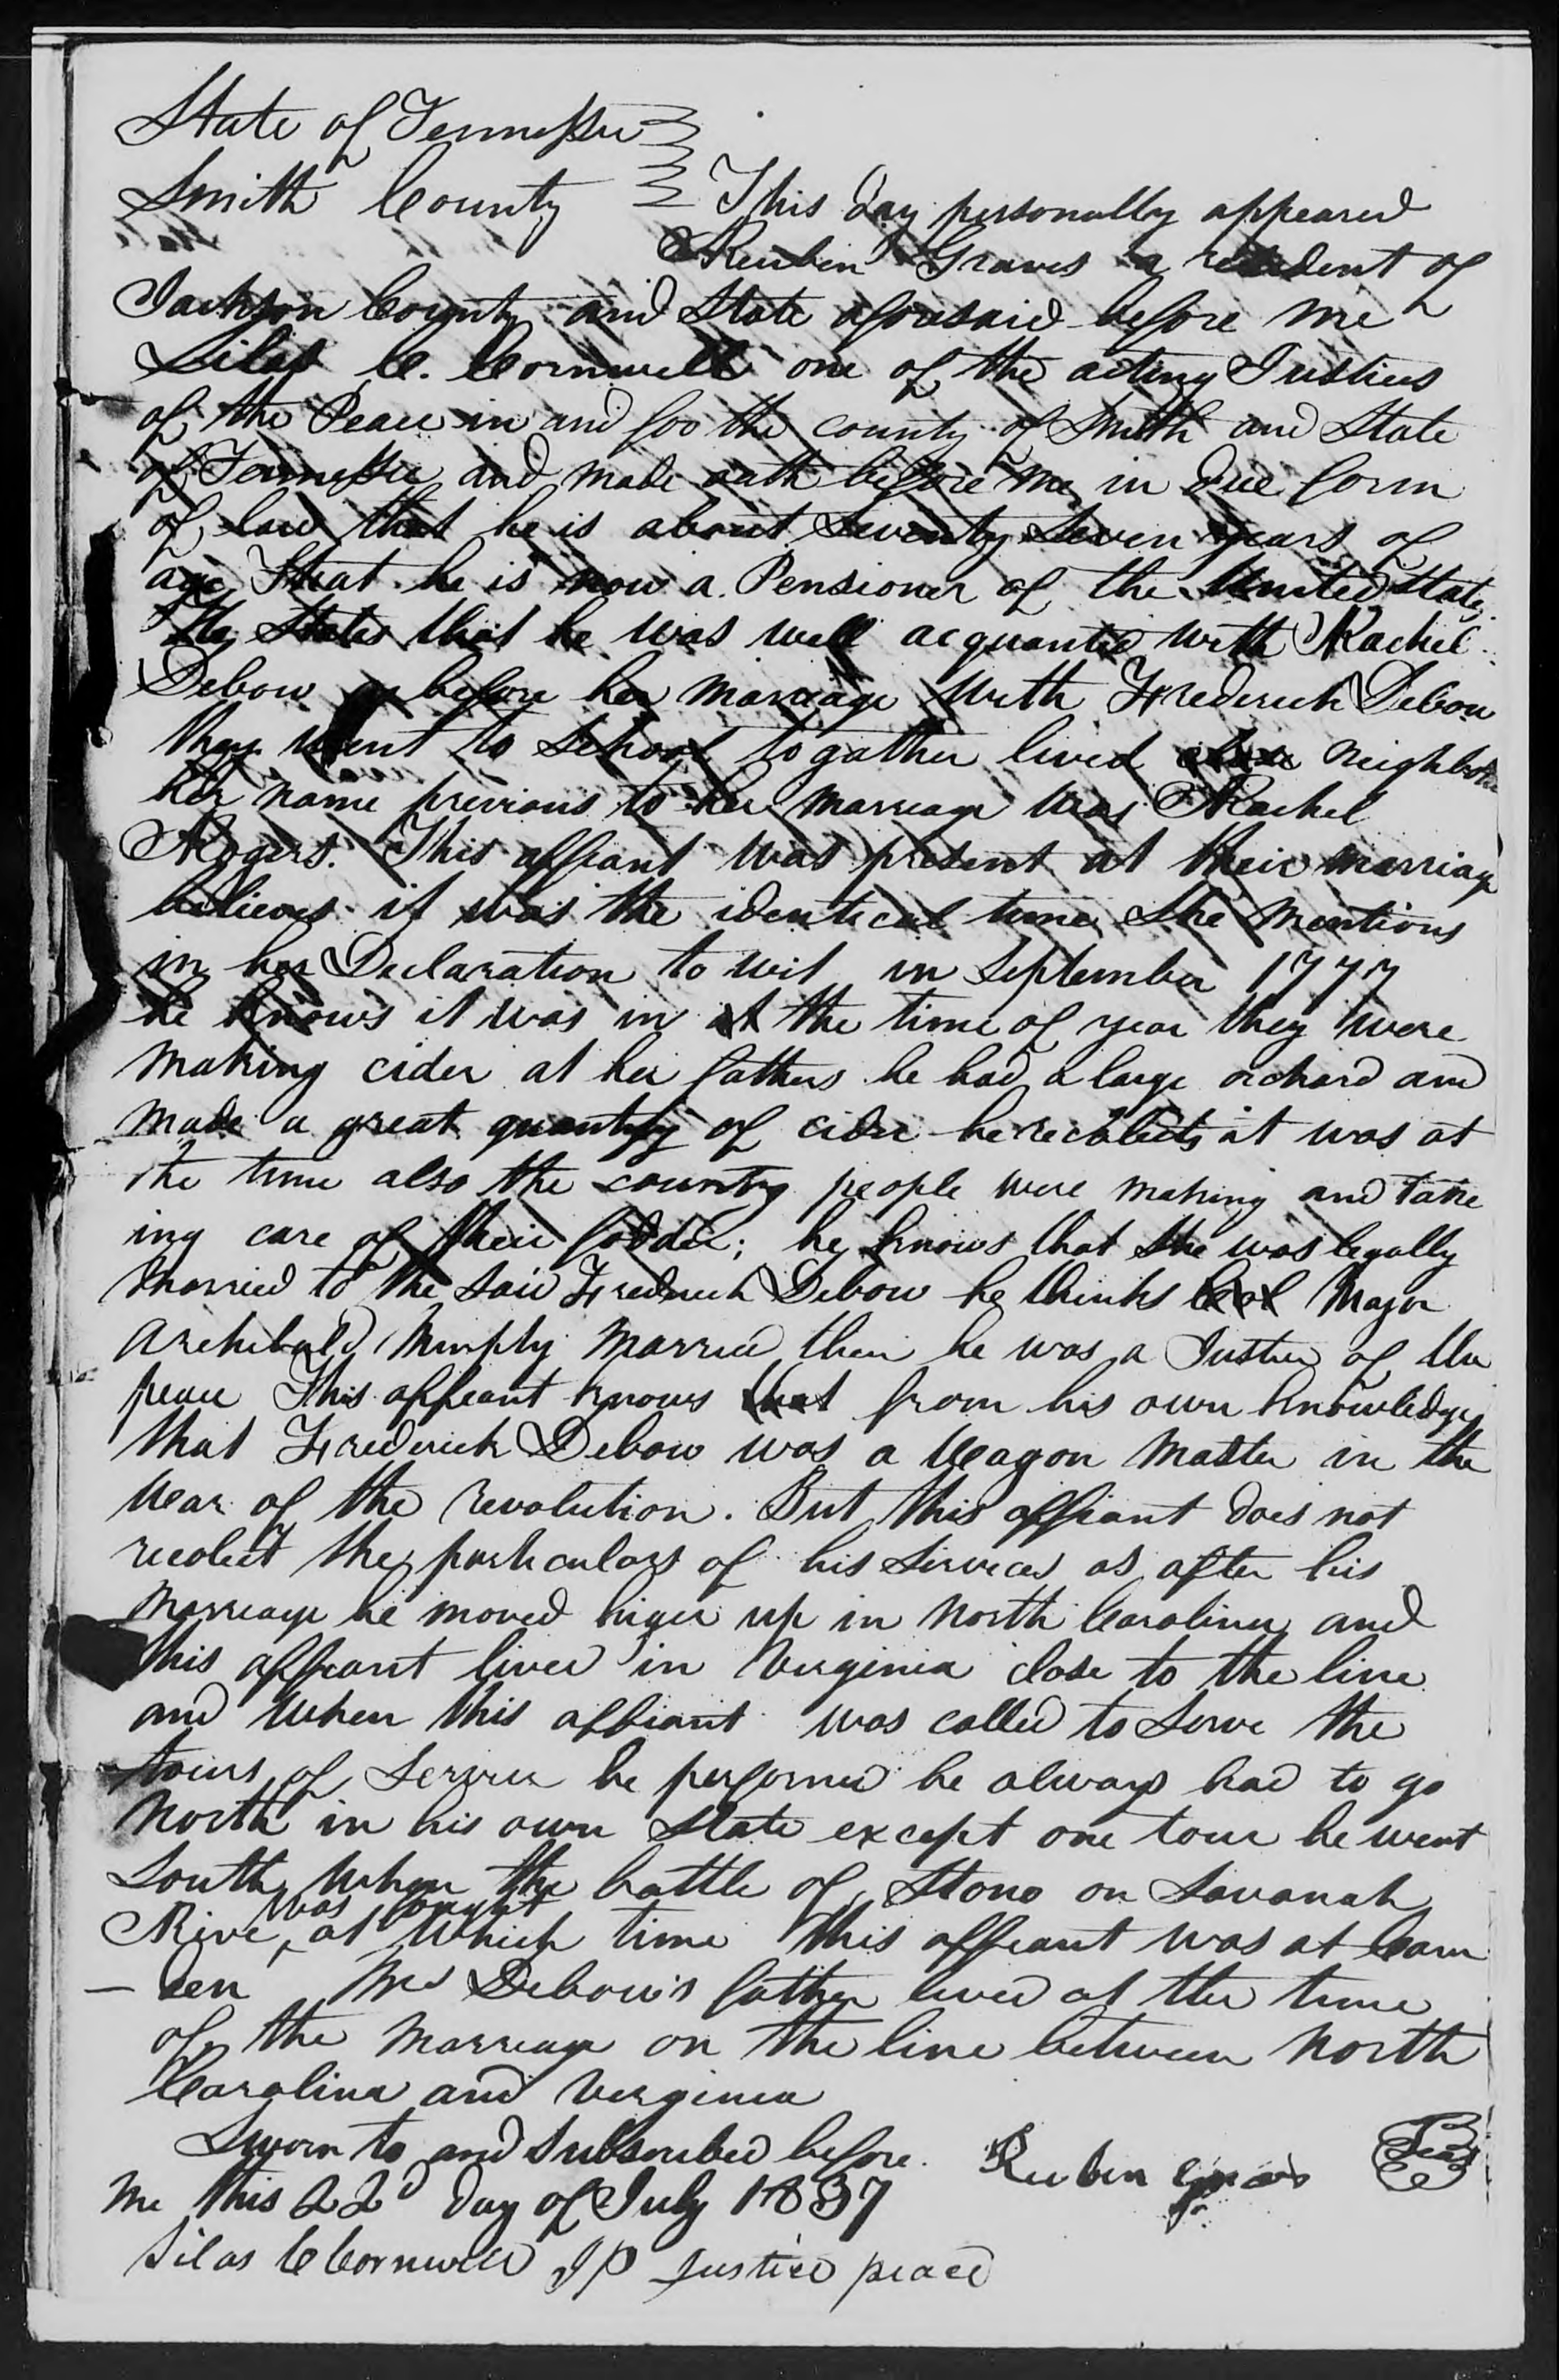State of Tennesee}
Smith County}
This day personally appeared Reuben Graves a resident of Jackson County and state aforesaid before me. Silas C Cornwell one of the acting Justices of the Peace in and for the county of Smith and state of Tennessee and made oath before me in due form of the law that he is about seventy seven years of age that he is now a pensioner of the United States. He states that he was well acquainted with Rachel Debow before her marriage with Frederick Debow. They went to school together lived as neighbors her name previous to her marriage with Rachel Rogers. This affiant was present at their marriage believes if was the identical times She mentions in her Declaration to wit in September 1777 he knows it was in at the time of year they were making cider at her fathers he had a large orchard and made a great quantity of cider he recollects it was at the time also the country people were making and taking care of their cider; he knows that she was legally married to the said of Frederick Debow he thinks {strike through  Col] Mayor Archibald Murphy married them he was a Jutice of the Peace. This affiant knows that from his own knowledge that Frederick Debow was a Wagon Master in the War of the Revolution. But this affiant does not recollect the particulars of his services as after his marriage he moved higher up in North Carolina and this affiant lives in Virginia close to the line and when this affiant was called to serve the tours of service he performmmed he always had to go North in his own state except one tour he was South when the battle of Stone on Savanah River [insert sign] was at[illegible] which time this affiant was at Cam-den. Mrs. Debow’s father lives between North Carolina and Virginia.
Swon to and subscribe before Ruben Graves   [seal]
Me this 22nd day of July 1837
Silas C Cornwell   JP Justice Peace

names: Frederick Debow, Rachel Rogers, Debow, Reuben Graves, Rachel Debow, Silas C Cornwell, Archibald Murphy, Frederick Debow, Frederick Debow, Ruben Graves, Silas C Cornwell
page: 55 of 62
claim: widow's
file: W 7005, Frederick Debow, N.C.